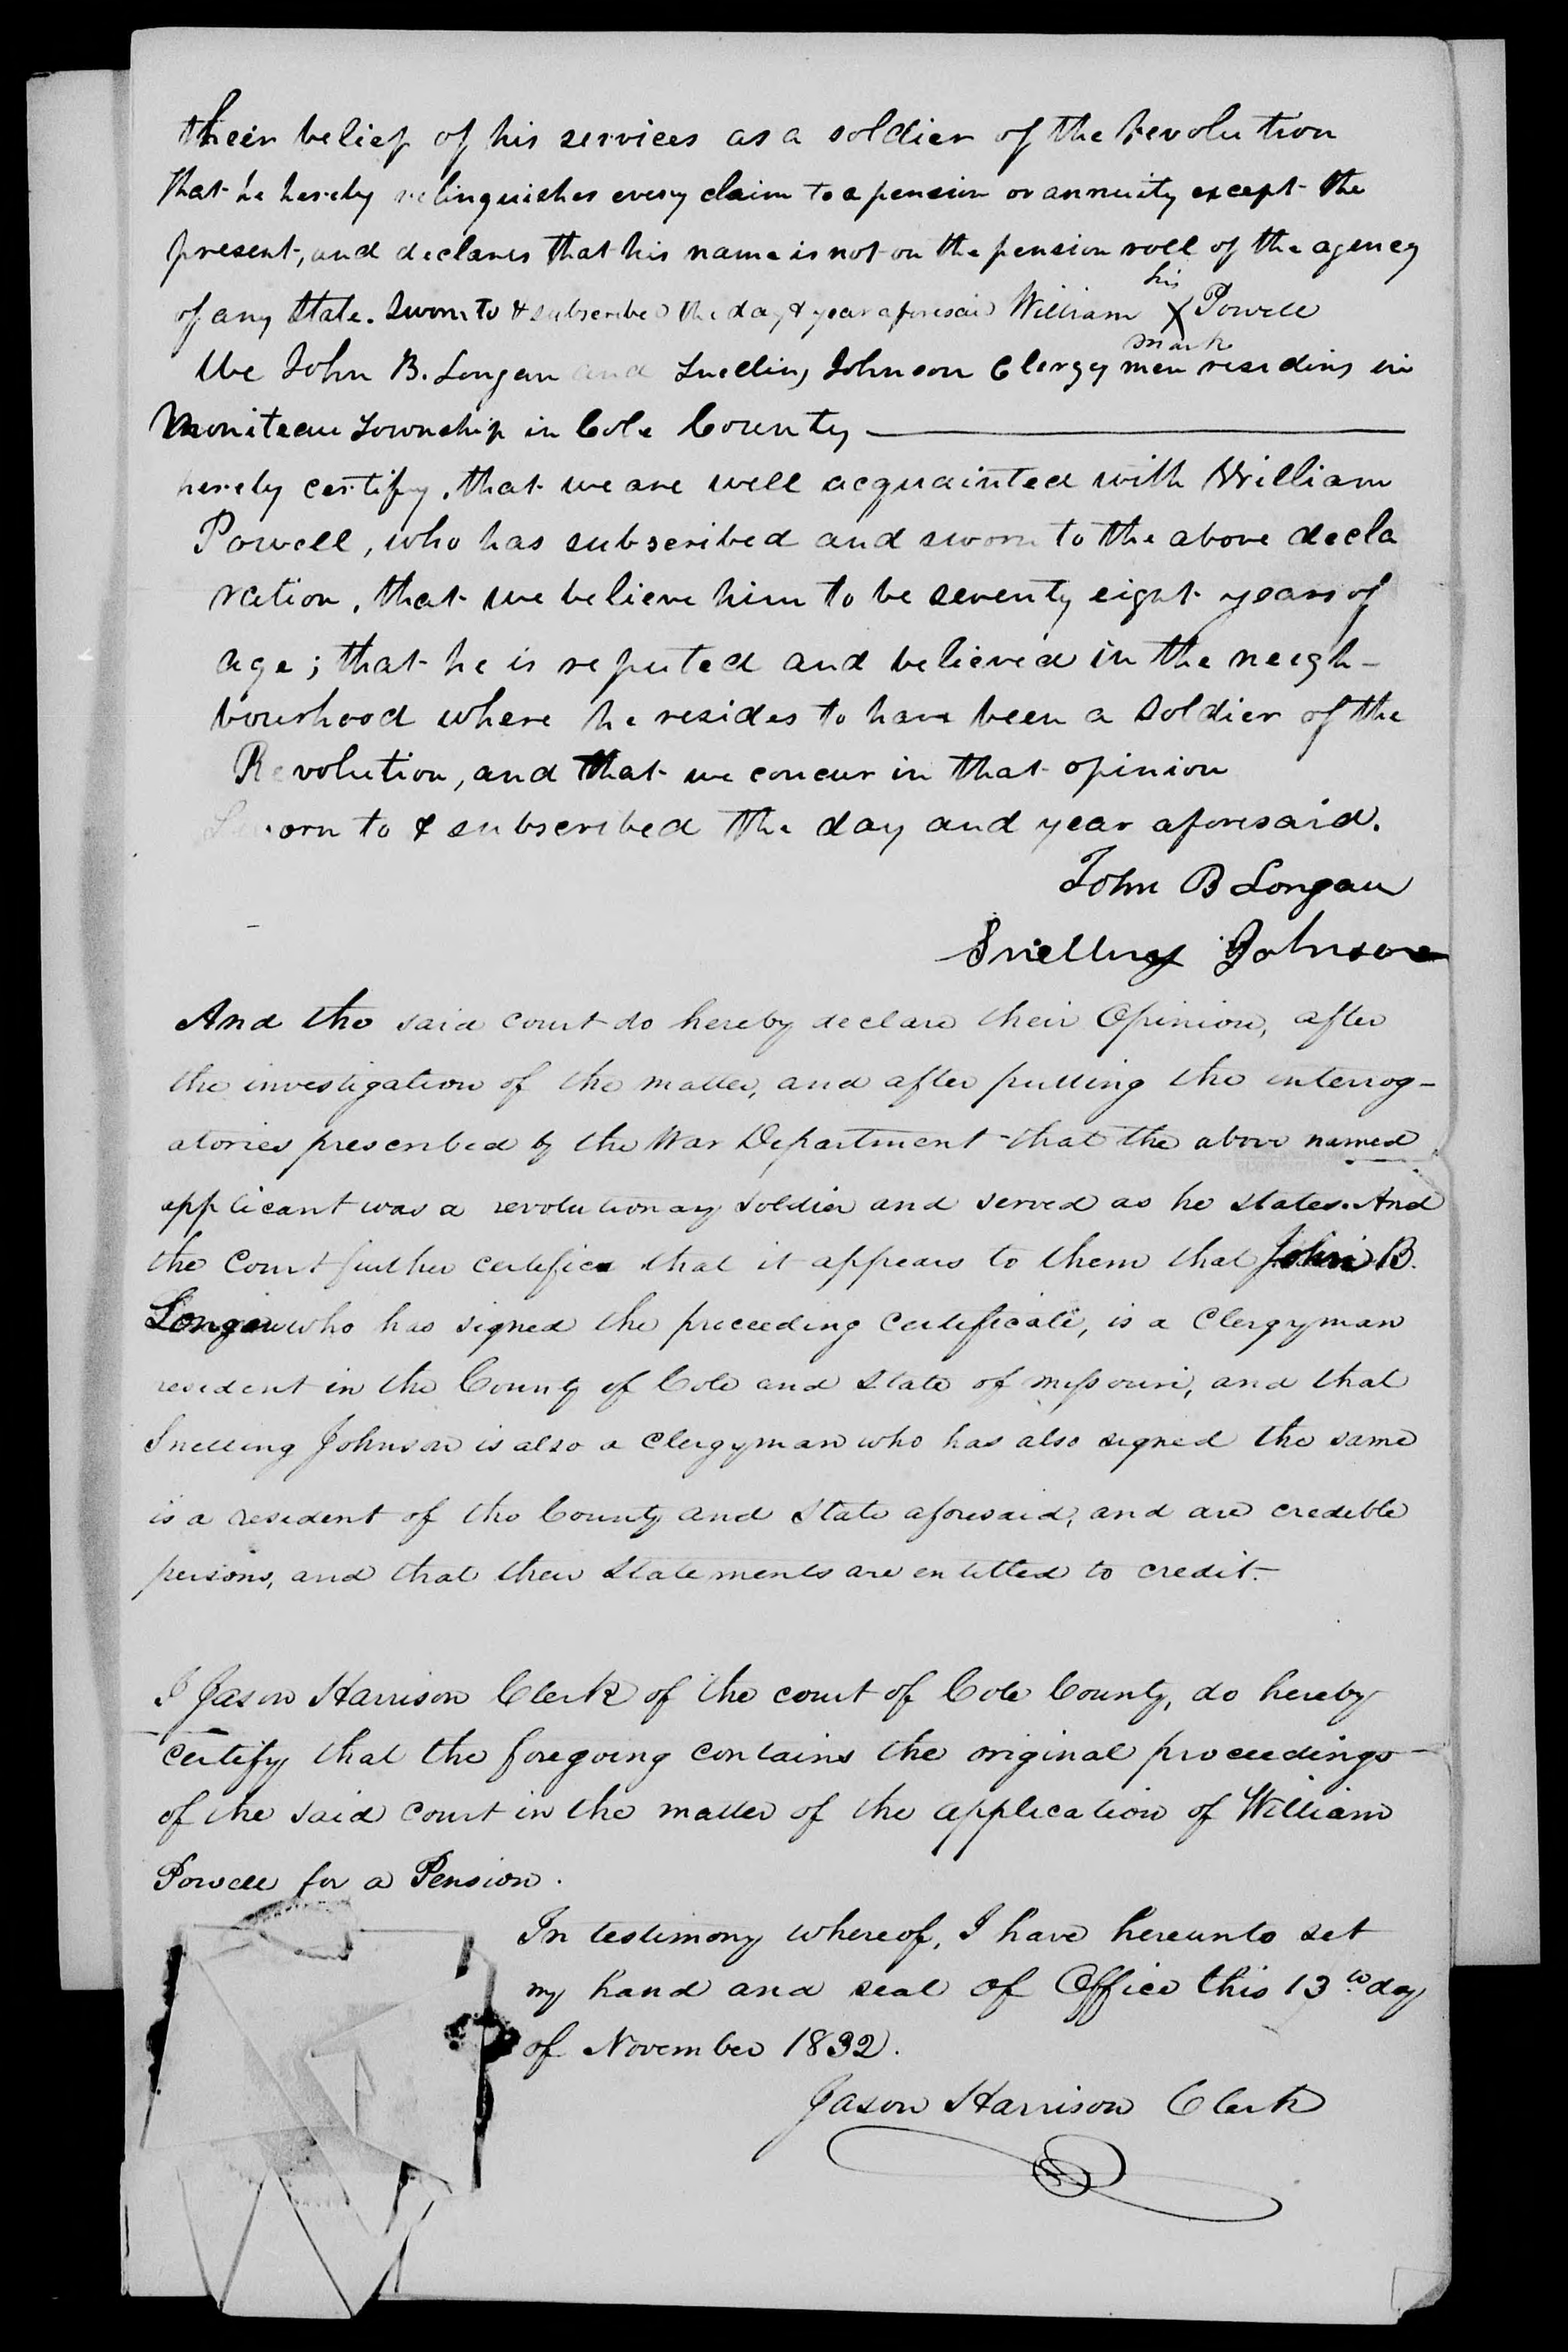their belief of his services as a soldier of the Revolution that he hereby relinquishes every claim to a pension or annuity except the
present, and declares that his name is not on the pension roll of the agency of any State. 

Sworn to & subscribed the day & year aforesaid William Powell (signed his mark X)

We John B. Longan and Snelling Johnson Clergyman residing in Moniteau Township in Cole County hereby certify that we are well acquainted with William Powell, who has subscribed and sworn to the above declaration, that we believe him to be seventy eight years of age; that he is reputed and believed in the neighborhood where he resides to have been a soldier of the Revolution, and that we concur in that opinion

Sworn to & subscribed the day and year aforesaid
John B Longan (signed)
Snelling Johnson (signed)

And the said Court do hereby declare their opinion, after the investigation of the matter, and after pulling the interrogatories prescribed by the War Department that the above named
applicant was a revolutionary soldier and served as he states. And the Court further certifies that it appears to them that John B.
Longan who has signed the preceding certificate, is a Clergyman resident in the County of Cole and State of Missouri, and that
Snelling Johnson is also a Clergyman who has also signed the same is a resident of the County and State aforesaid, and are credible
persons, and that their statements are entitled to credit.

I Jason Harrison Clerk of the Court of Cole County, do hereby certify that the foregoing contains the original proceedings of the said Court in the matter of the application of William Powell for a Pension.

In testimony whereof, I have hereunto set
my hand and seal of Office this 13th day
of November 1832.

Jason Harrison Clerk (signed)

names: Jason Harrison; John B Longan; William Powell; Snelling Johnson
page: 6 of 19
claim: survivor's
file: S. 17022, for William Powell, North Carolina